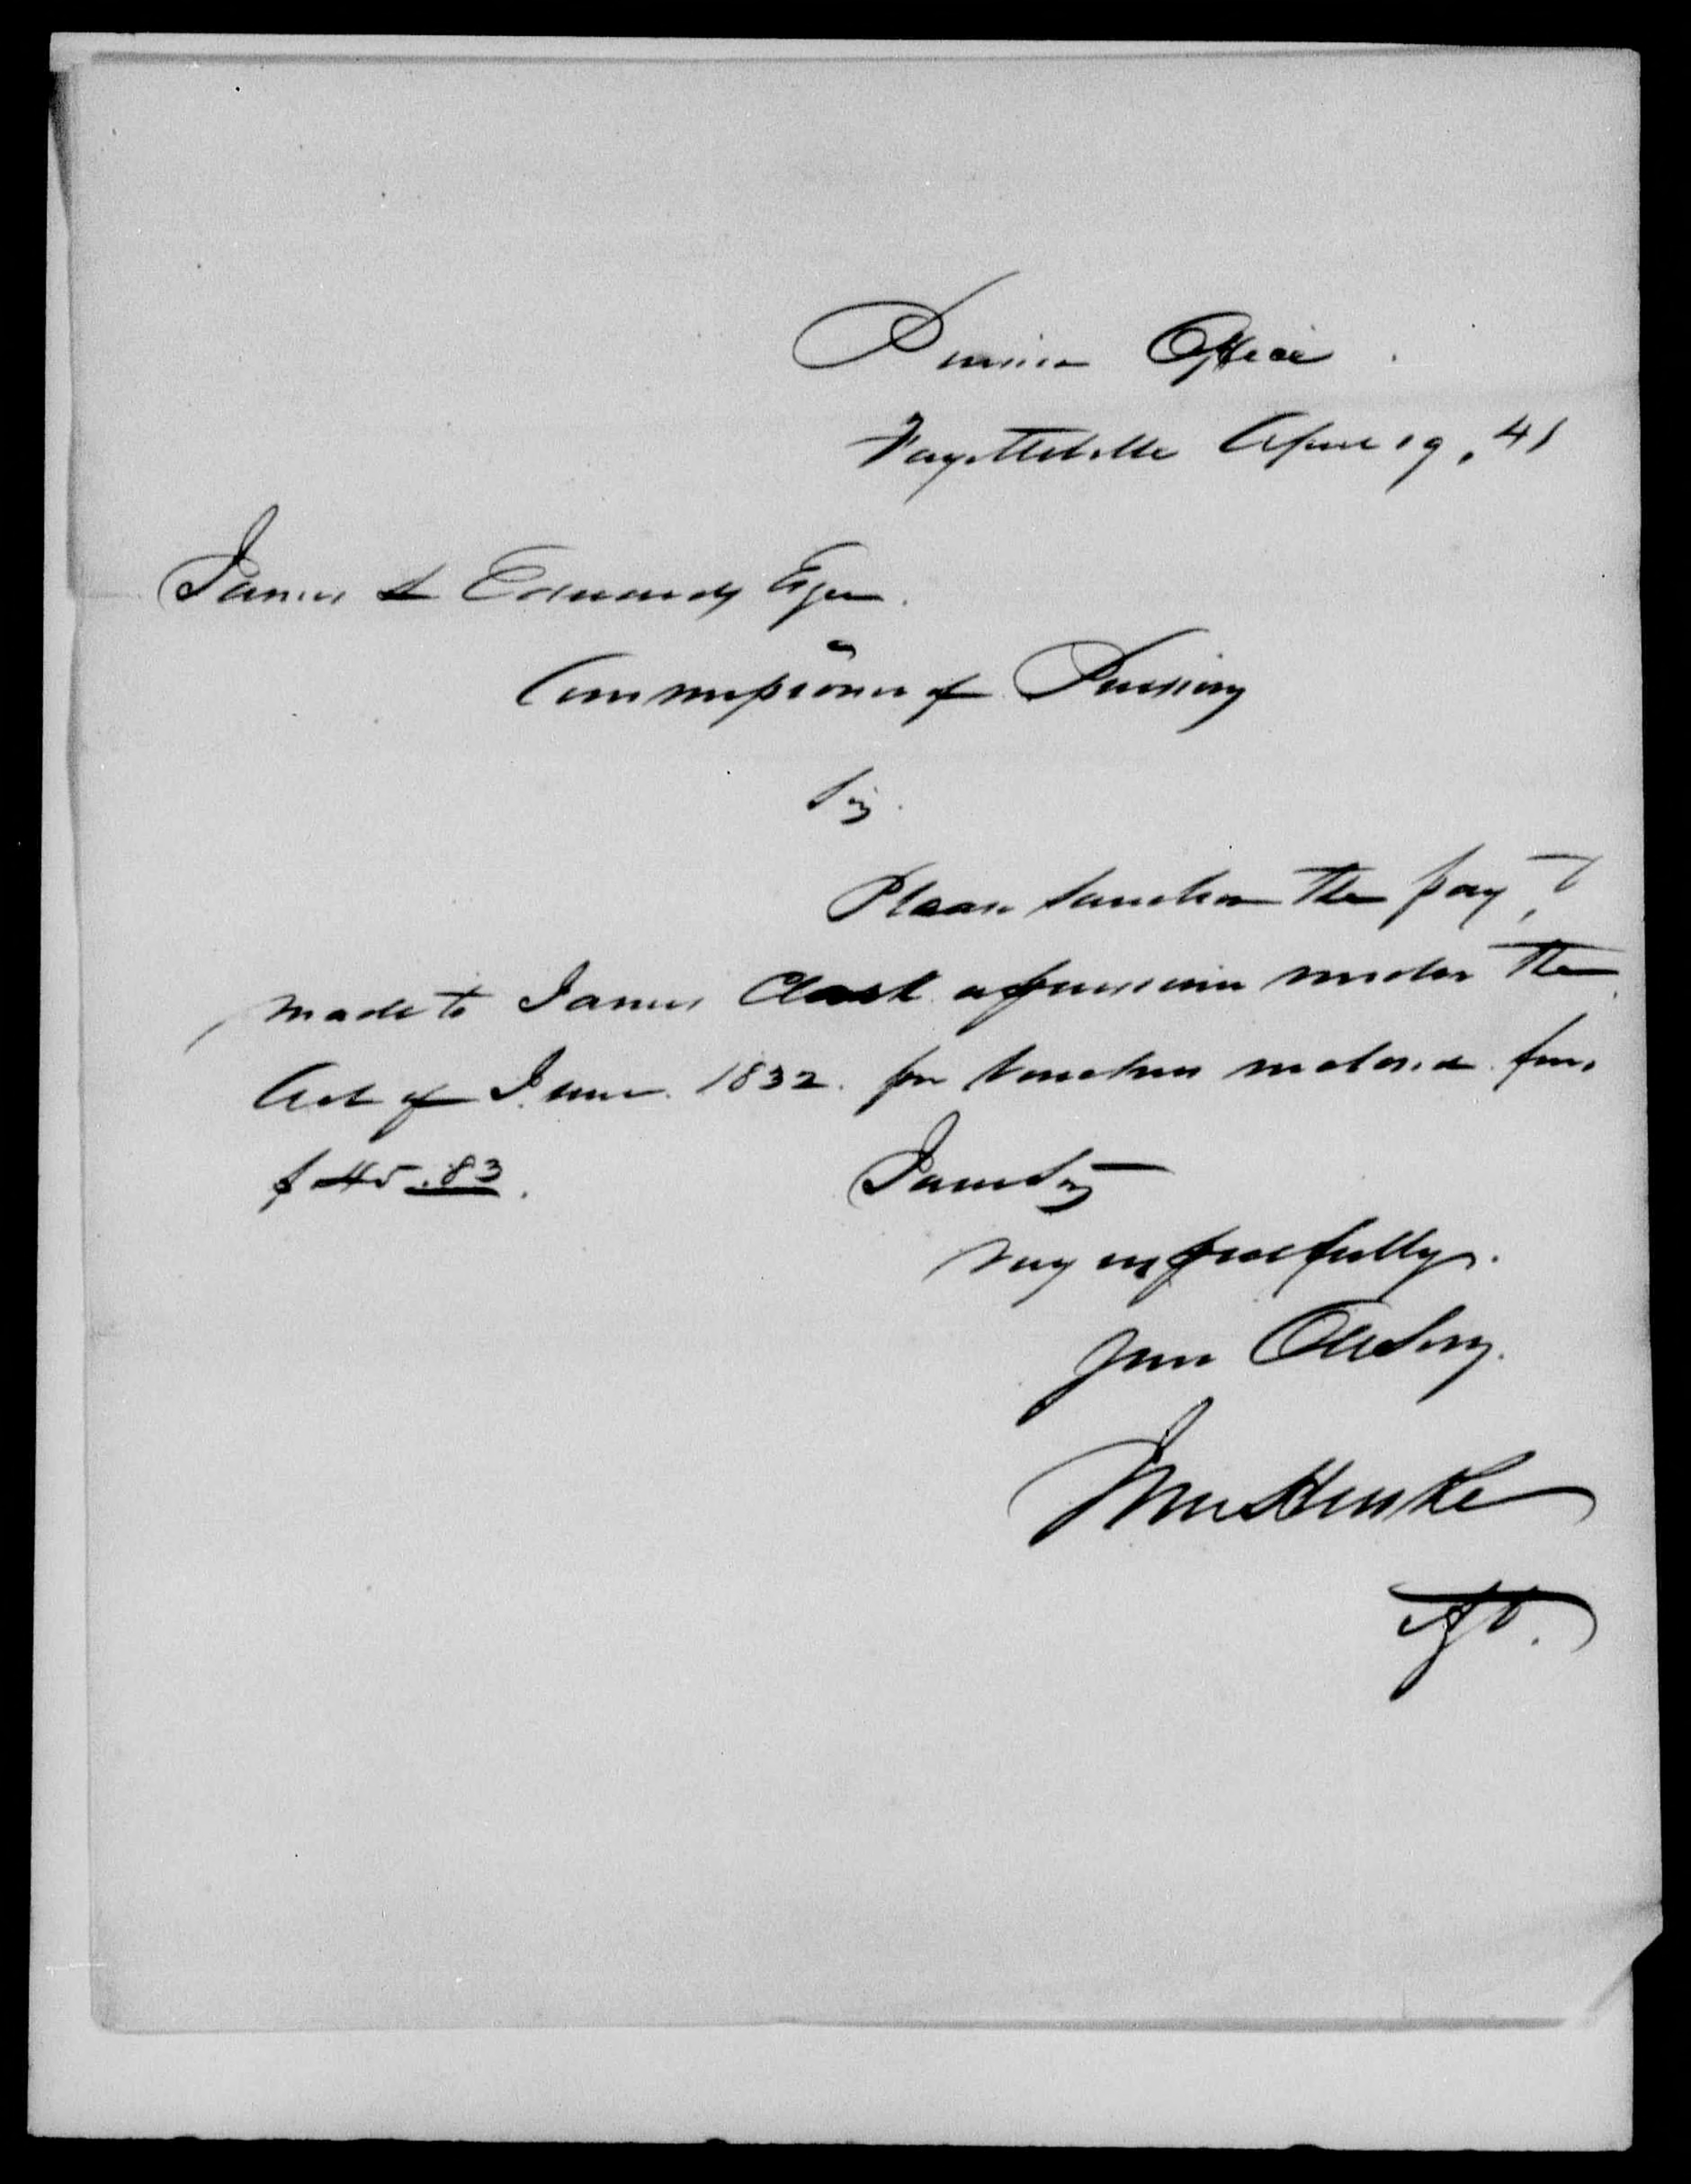Pension Office
Fayetteville April 19 [18] 41

James L Edwards Esq
Commissioner of Pensions

Sir.
Please surrender the pay 't
made to James Clark a pensioner under the
Act of June 1832 for [illegible] [illegible] [illegible]
$45.83

I am Svt [your obedient servant]
very respectfully
James Edwards
Jm Clarke
[illegible]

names: Jm Clarke, James L Edwards, James Clark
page: 15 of 16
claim: survivor's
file: S. 8207, James Clark, N.C.